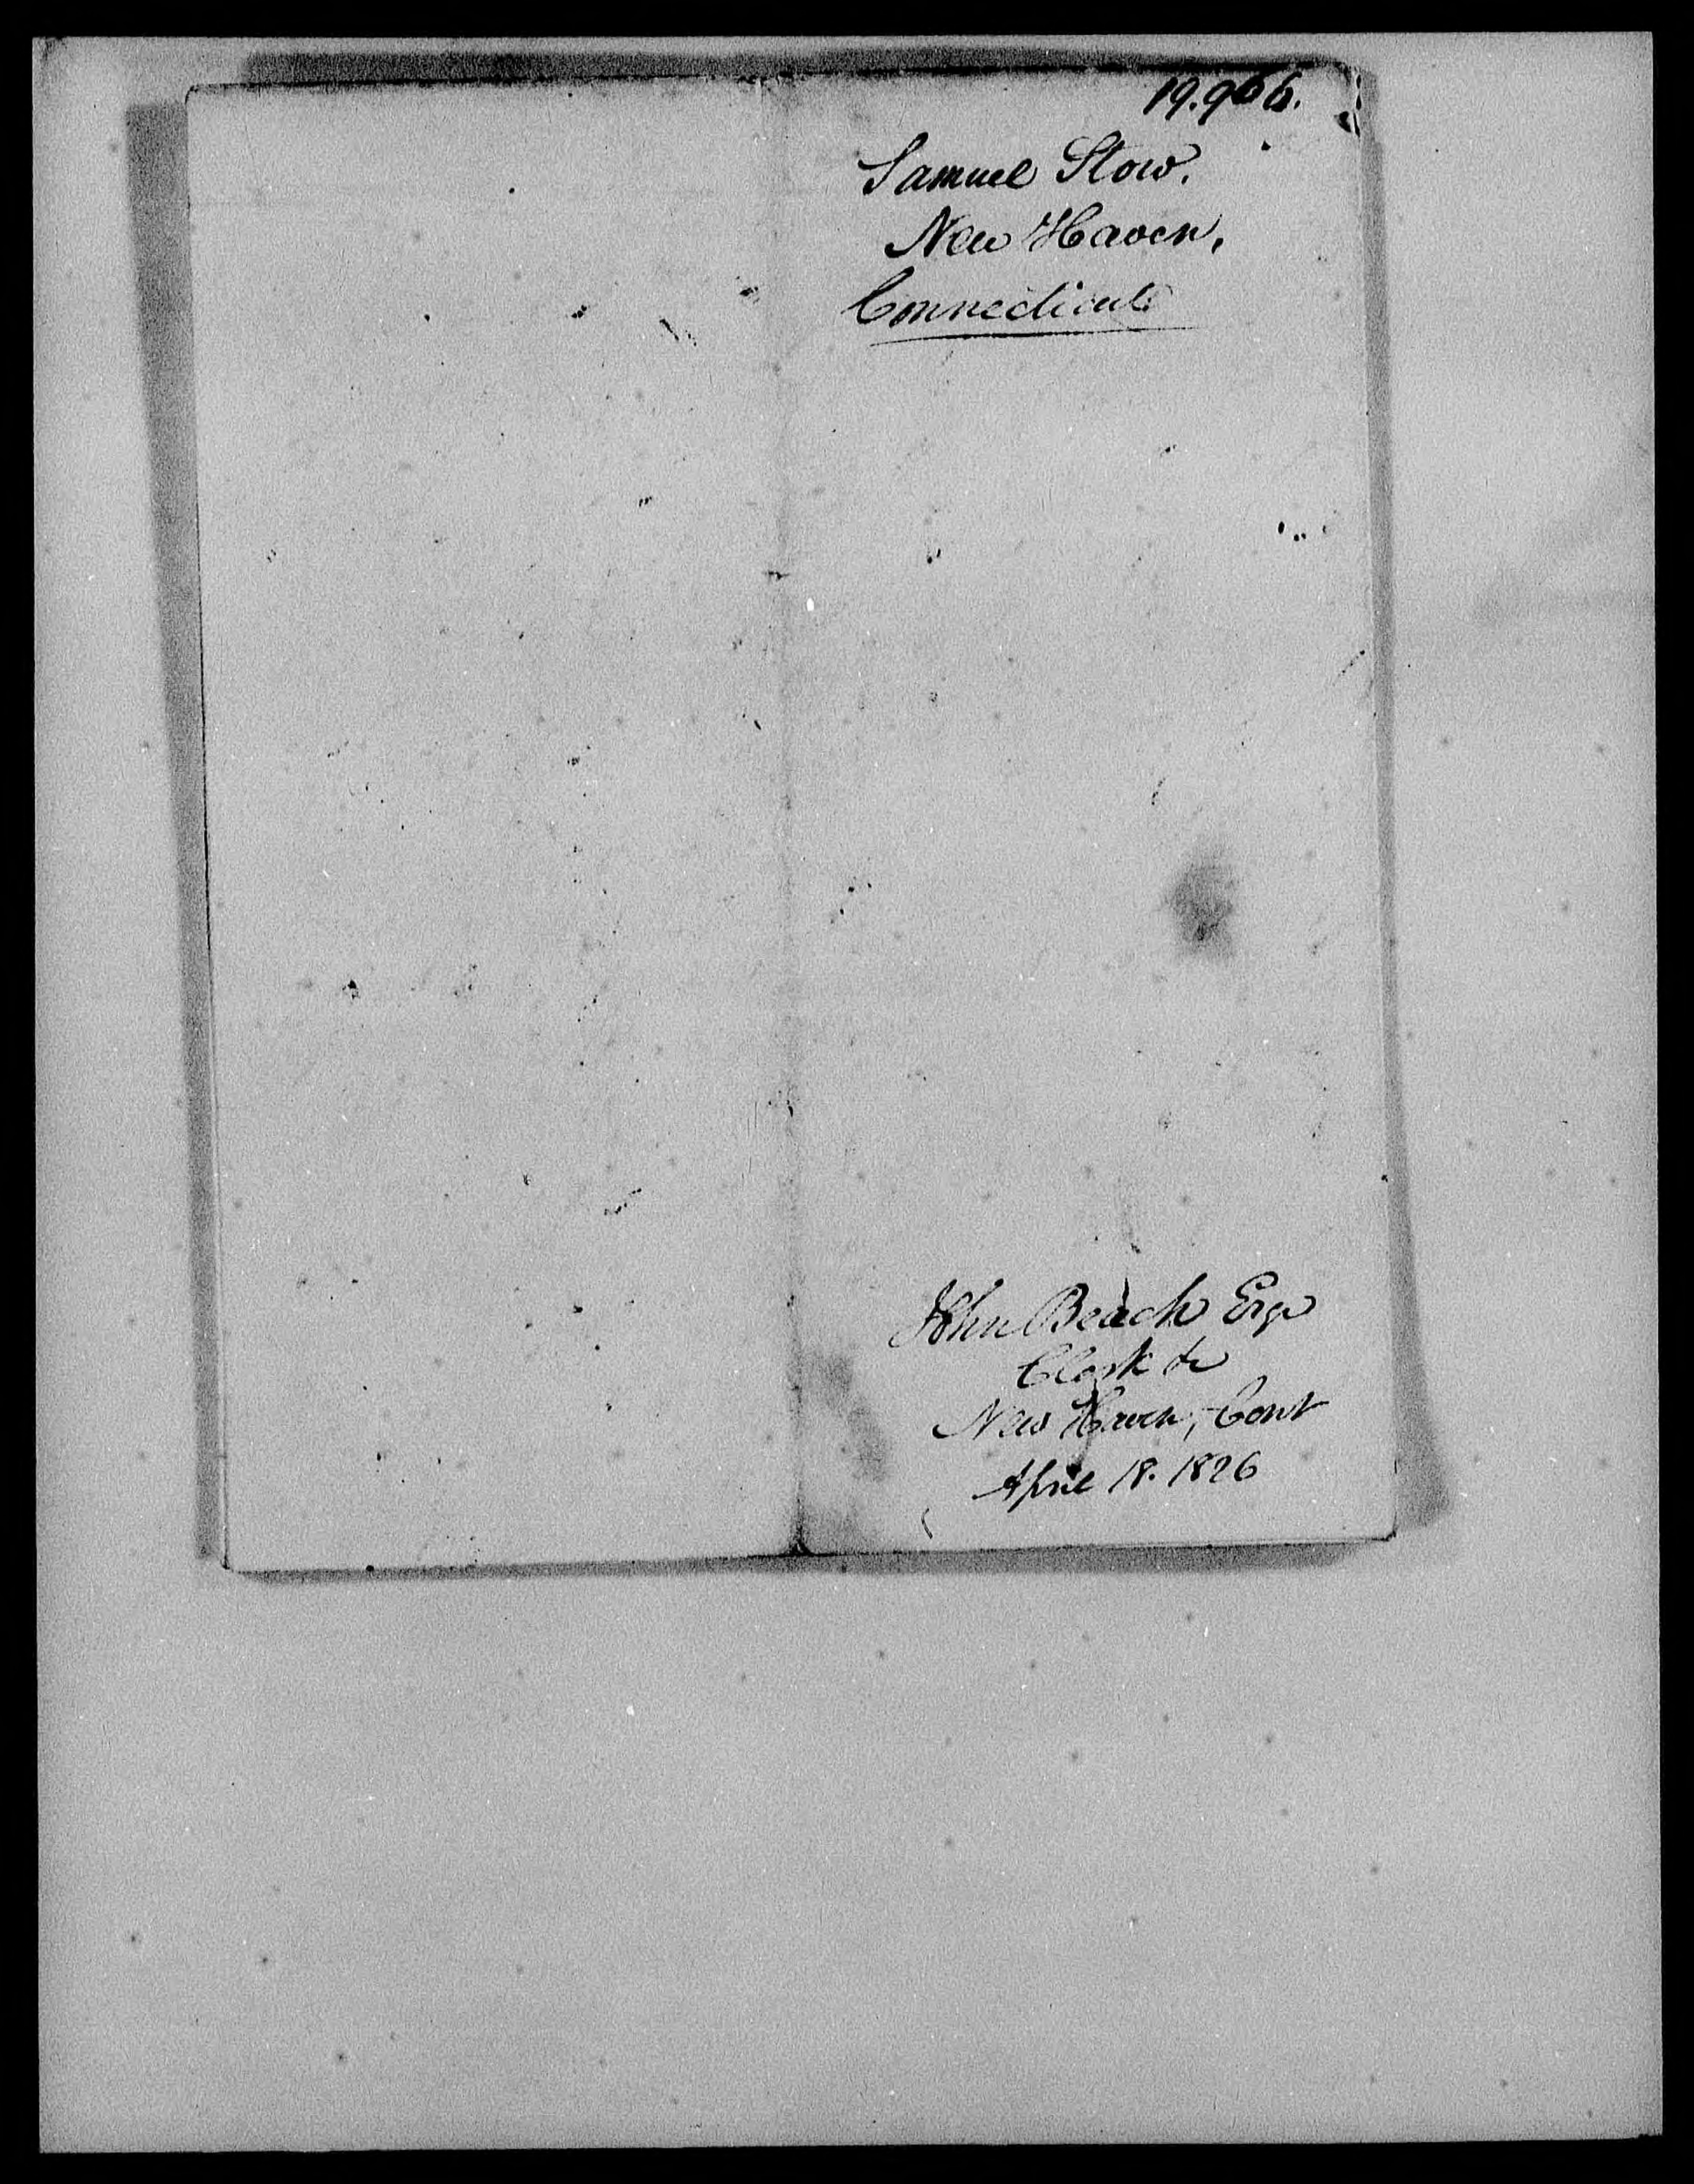19,966

Samuel Stow
New Haven
Connecticut

John Beach, Esq
Clerk &c.
New Haven Court
April 18, 1826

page: 39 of 42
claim: survivor's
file: S. 36,819, for Samuel Stow, Connecticut